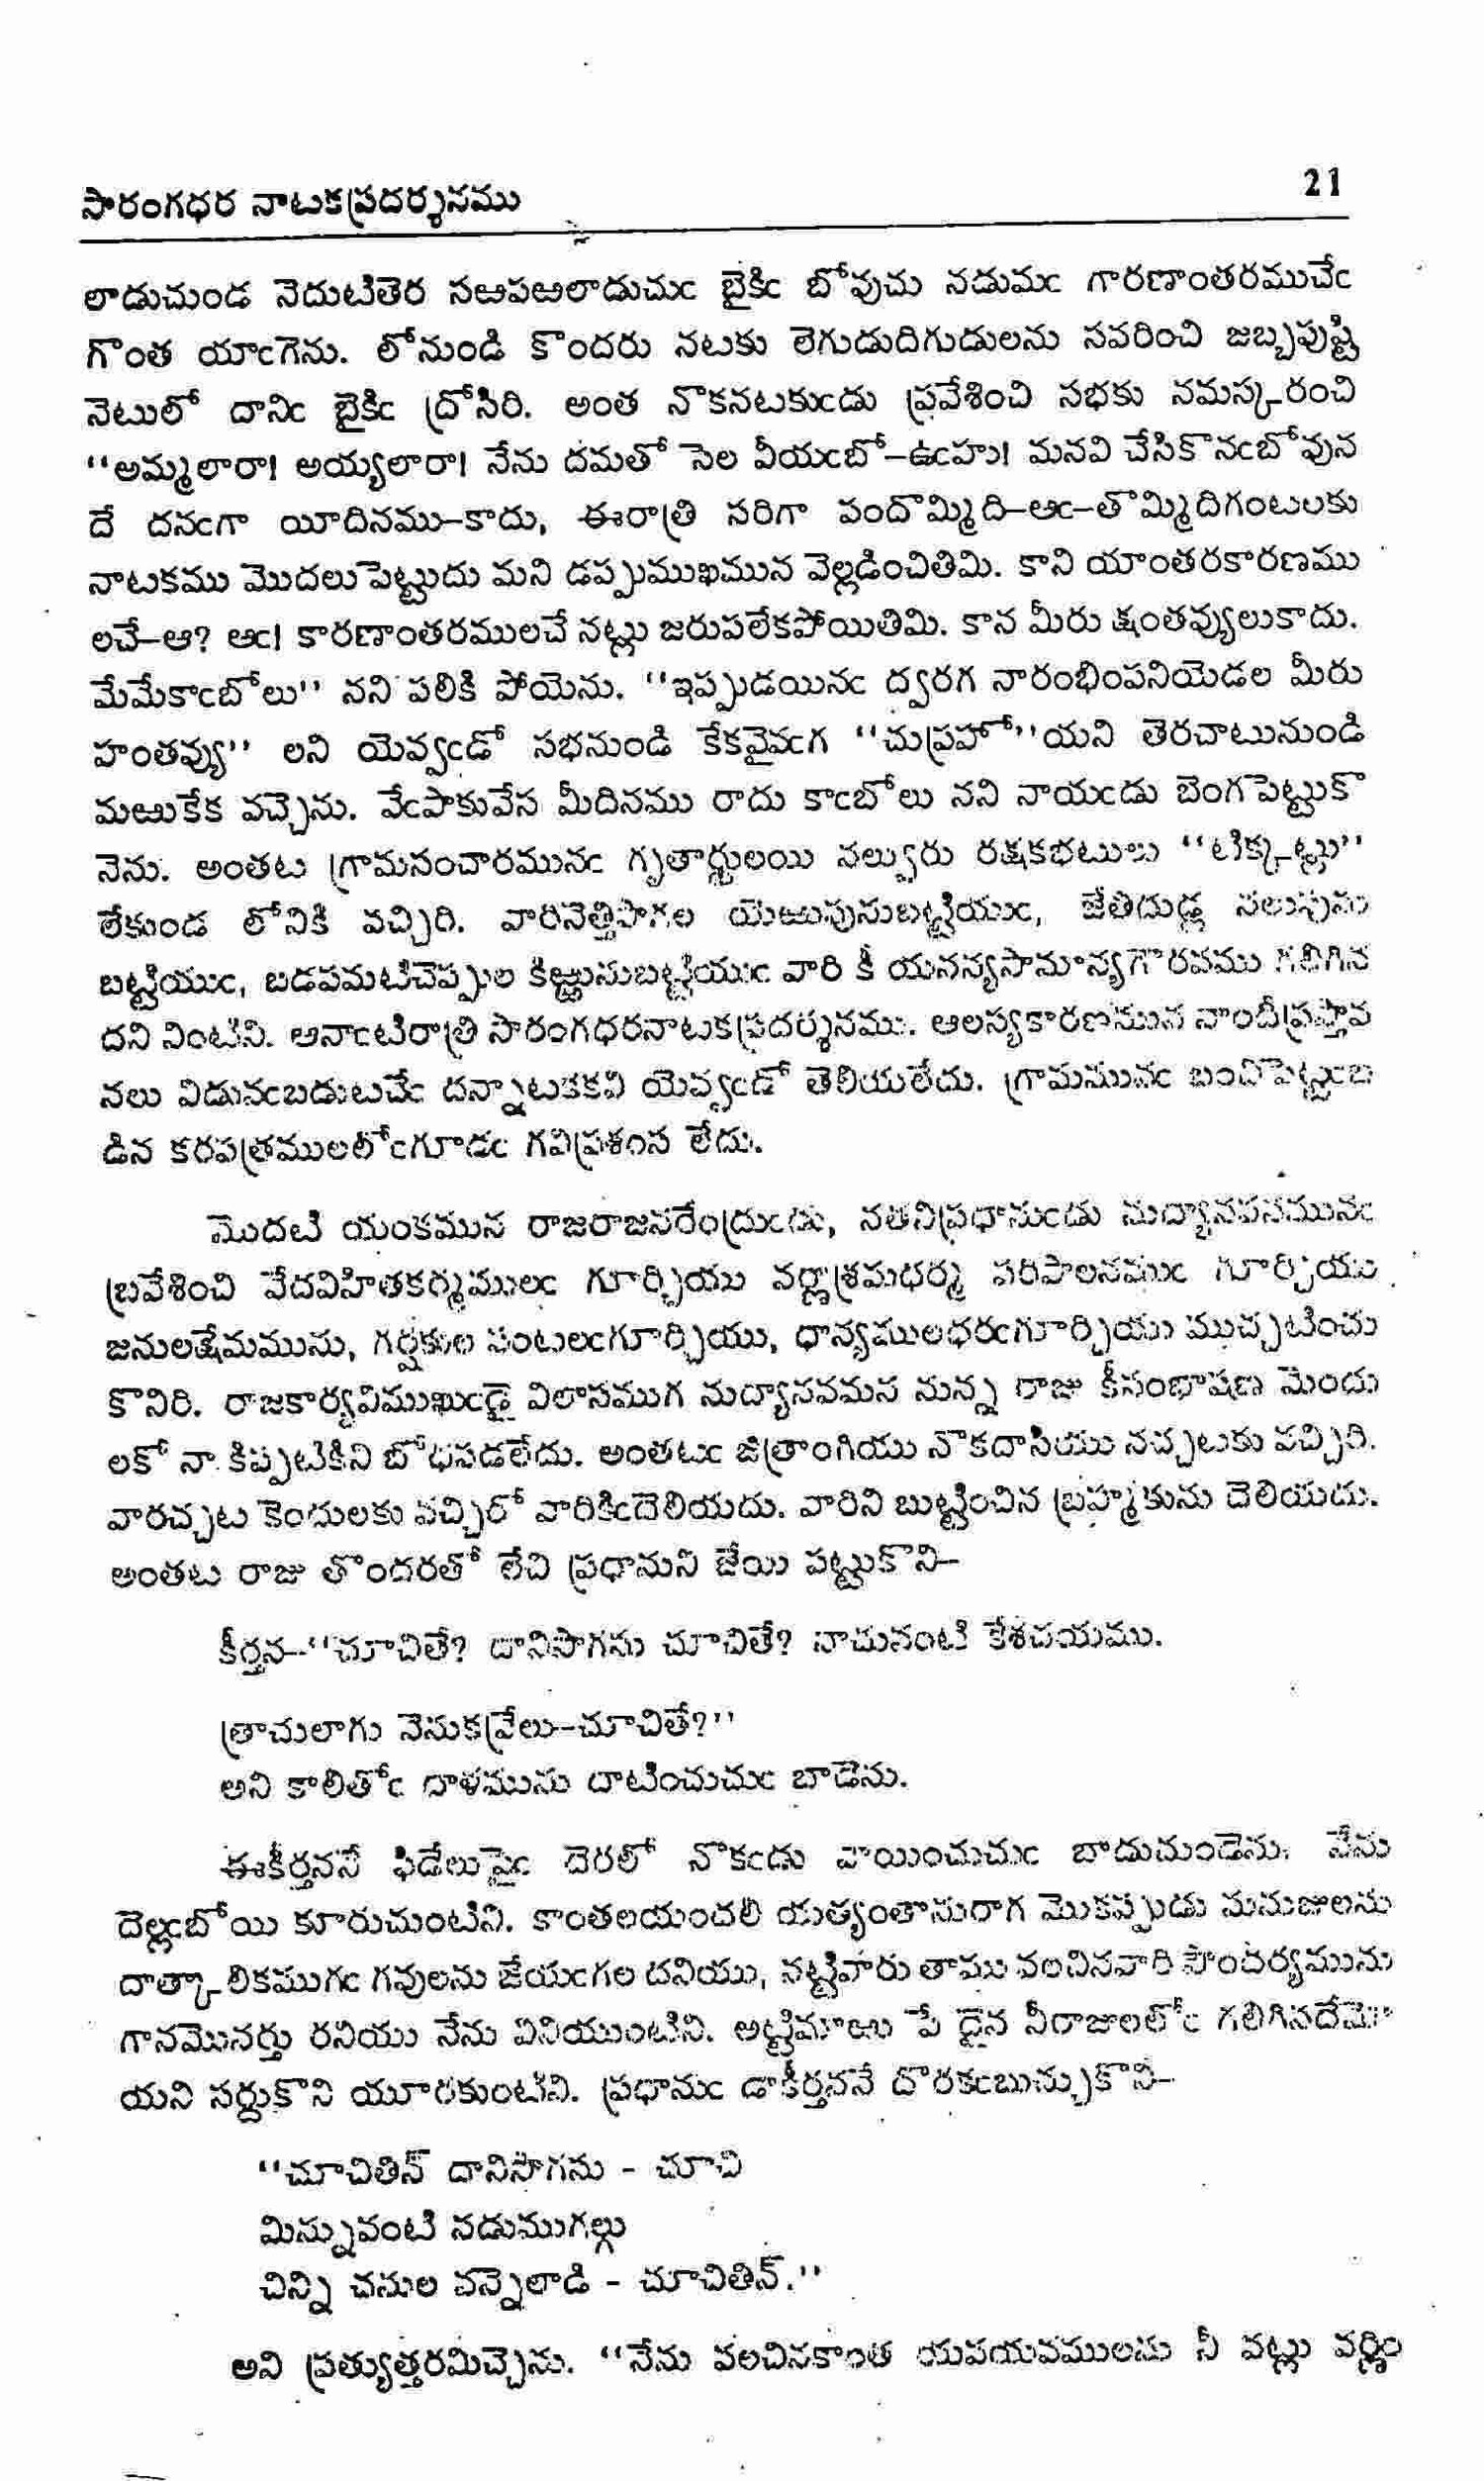లాడుచుండ నెదుటితెర స̃ఱపఱలాడుచుఁ బైకిఁ బోవుచు నడుమఁ గారణాంతరముచేఁ
గొంత యాఁగెను. లోనుండి కొందరు నటకు లెగుడుదిగుడులను సవరించి జబ్బపుష్టి
నెటులో దానిఁ బైకిఁ ద్రోసిరి. అంత నొకనటకుఁడు ప్రవేశించి సభకు నమస్కరంచి
“అమ్మలారా! అయ్యలారా! నేను దమతో సెల వీయఁబో-ఉcహు! మనవి చేసికొనఁబోవున
దే దనఁగా యీదినము కాదు, ఈరాత్రి సరిగా పందొమ్మిది ఆC-తొమ్మిదిగంటలకు
నాటకము మొదలుపెట్టుదు మని డప్పుముఖమున వెల్లడించితిమి. కాని యాంతరకారణములచే ఆ? ఆఁ! కారణాంతరములచే నట్లు జరుపలేకపోయితిమి. కాన మీరు క్షంతవ్యులుకాదు.
మేమేకాఁబోలు" నని పలికి పోయెను. “ఇప్పుడయినఁ ద్వరగ నారంభింపనియెడల మీరు
హంతవ్యు” లని యెవ్వఁడో సభనుండి కేకవైవఁగ “చుప్రహో' యని తెరచాటునుండి
మఱుకేక వచ్చెను. వేఁపాకువేస మీదినము రాదు కాఁబోలు నని నాయఁడు బెంగ పెట్టుకొనెను. 
అంతట గ్రామసంచారమునఁ గృతార్థులయి నల్వురు రక్షకభటులు “టిక్కట్లు"
లేకుండ లోనికి వచ్చిరి. వారినెత్తిపాగల యెఱుపునుబట్టియుఁ, జేతిదుడ్ల నలుపును
బట్టియుఁ, బడపమటిచెప్పుల కిఱ్ఱునుబట్టియుఁ వారి కీ యనన్యసానూన్య గౌరవము గలిగిన
దని నింటిని. అనాఁటిరాత్రి సారంగధరనాటక ప్రదర్శనము". ఆలస్యకారణమున నాందీప్రస్తావ
నలు విడువఁబడుటచేఁ దన్నాటకకవి యెవ్యఁడో తెలియలేదు. గ్రామమునఁ బంచిపెట్టుబ
డిన కరపత్రములలోఁగూడఁ గవిప్రశంస లేదు.

మొదటి యంకమున రాజరాజసరేంద్రుఁడు, నతనిప్రధానుఁడు నుద్యానవనమునఁ
బ్రవేశించి వేదవిహితకర్మములఁ గూర్చియు వర్ణాశ్రమధర్మ పరిపాలనముఁ గూర్చియు 
జనులక్షేమముసు, గర్షకుల పంటలఁగూర్చియు, ధాన్యములధరఁగూర్చియు ముచ్చటించు
కొనిరి. రాజకార్యవిముఖుఁడై విలాసముగ నుద్యానవమస నున్న రాజు కీసంభాషణ మెందు
లకో నా కిప్పటికిని బోధపడలేదు. అంతటఁ జిత్రాంగియు నొకదాసియు నచ్చటకు వచ్చిరి.
వారచ్చట కెందులకు వచ్చిరో వారికిఁదెలియదు. వారిని బుట్టించిన బ్రహ్మకును దెలియదు.
అంతట రాజు తొందరతో లేచి ప్రధానుని జేయి పట్టుకొని-

కీర్తన "చూచితే? దానిసాగను చూచితే? నాచునంటి కేశచయము.

త్రాచులాగు నెనుకవ్రేలు-చూచితే?"

అని కాలితోఁ దాళమును దాటించుచుఁ బాడెను.

ఈకీర్తననే ఫిడేలుపైఁ దెరలో నొకఁడు వాయించుచుఁ బాడుచుండెను. నేను
దెల్లఁబోయి కూరుచుంటిని. కాంతలయందలి యత్యంతానురాగ మొకప్పుడు మనుజులను
దాత్కాలికముగఁ గవులను జేయఁగల దనియు, నట్టివారు తాము వలచినవారి సౌందర్యమును
గానమొనర్తు రనియు నేను వినియుంటిని. అట్టిమాఱు పే దైన నీరాజులలోఁ గలిగినదేమో:
యని సర్దుకొని యూరకుంటిని. ప్రధానుఁ డాకీర్తననే దొరకబుచ్చుకొని-

"చూచితిన్ దానిసొగసు - చూచి
మిన్నువంటి నడుముగల్గు
చిన్ని చనుల వన్నెలాడి - చూచితిన్. "
అని ప్రత్యుత్తరమిచ్చెను. “నేను వలచినకాంత యవయవములను నీ వట్లు వర్ణిం